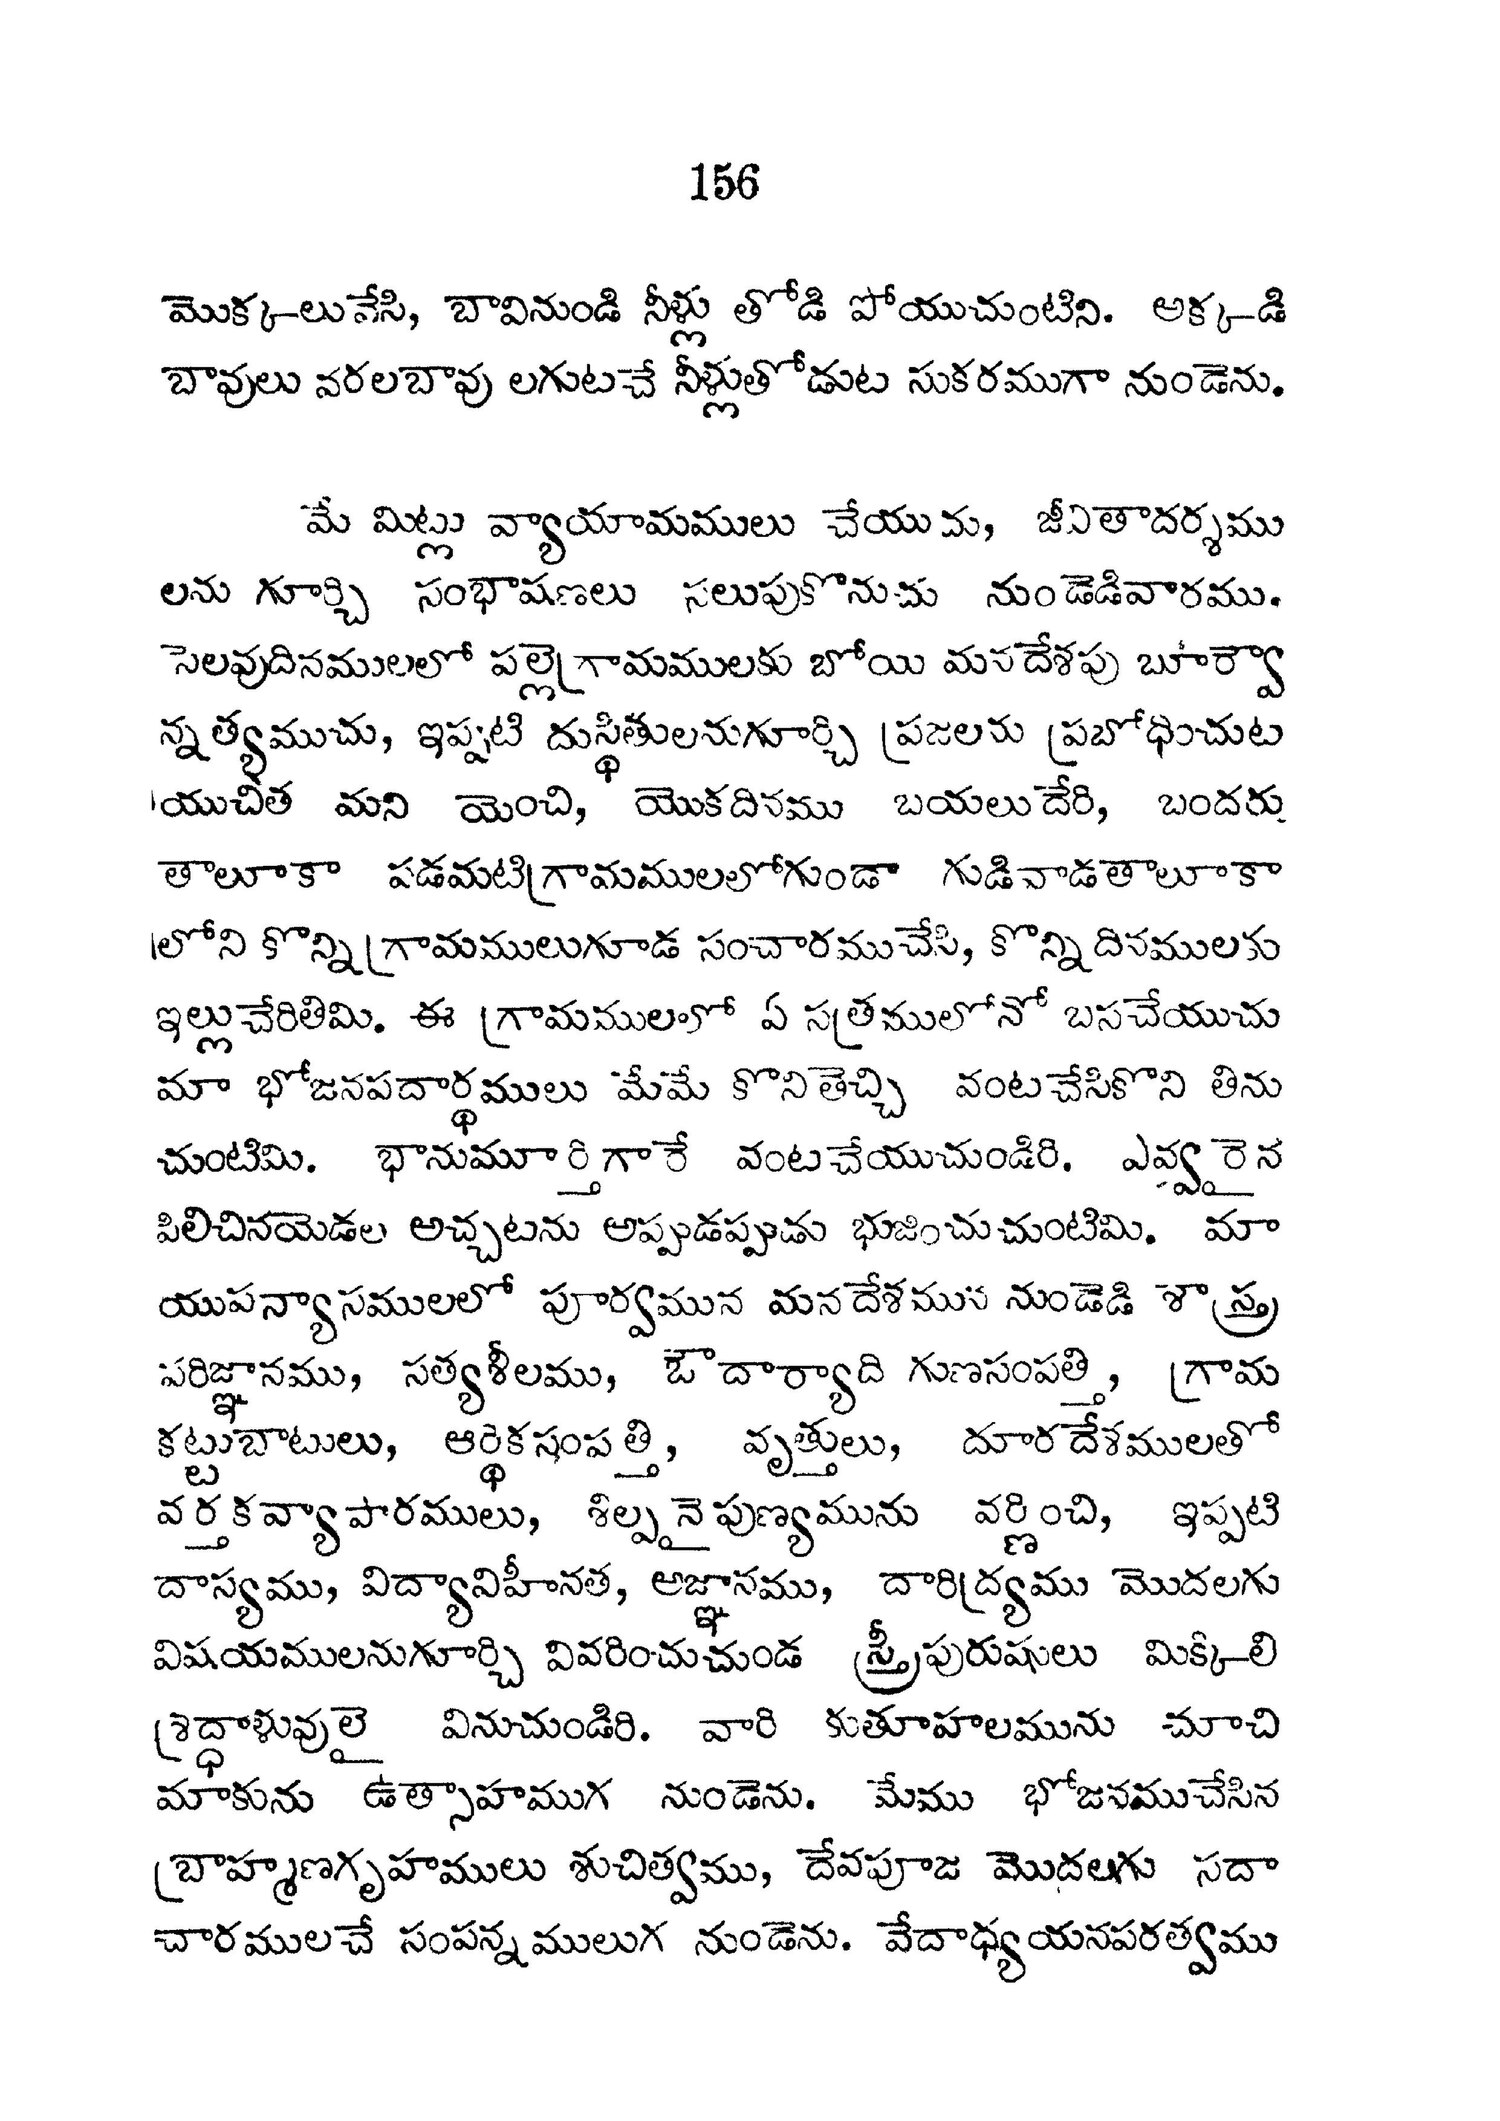మొక్కలువేసి, బావినుండి నీళ్లు తోడి పోయుచుంటిని. అక్కడి బావులు వరలబావు లగుటచే నీళ్లుతోడుట సుకరముగా నుండెను.

మేమిట్లు వ్యాయామములు చేయుచు, జీవితాదర్శములను గూర్చి సంభాషణలు సలుపుకొనుచు నుండెడివారము. సెలవుదినములలో పల్లెగ్రామములకు బోయి మనదేశపు బూర్వౌన్నత్యముచు, ఇప్పటి దుస్థితులనుగూర్చి ప్రజలను ప్రబోధించుట యుచిత మని యెంచి, యొకదినము బయలుదేరి, బందరు తాలూకా పడమటిగ్రామములలోగుండా గుడివాడతాలూకాలోని కొన్నిగ్రామములుగూడ సంచారముచేసి, కొన్నిదినములకు ఇల్లుచేరితిమి. ఈ గ్రామములలో ఏ సత్రములోనో బసచేయుచు మా భోజనపదార్థములు మేమే కొనితెచ్చి వంటచేసికొని తినుచుంటిమి. భానుమూర్తిగారే వంటచేయుచుండిరి. ఎవ్వరైన పిలిచినయెడల అచ్చటను అప్పుడప్పుడు భుజించుచుంటిమి. మా యుపన్యాసములలో పూర్వమున మనదేశమున నుండెడి శాస్త్రపరిజ్ఞానము, సత్యశీలము, ఔదార్యాది గుణసంపత్తి, గ్రామ కట్టుబాటులు, ఆర్థికసంపత్తి, వృత్తులు, దూరదేశములతో వర్తకవ్యాపారములు, శిల్పనైపుణ్యమును వర్ణించి, ఇప్పటి దాస్యము, విద్యావిహీనత, అజ్ఞానము, దారిద్ర్యము మొదలగు విషయములనుగూర్చి వివరించుచుండ స్త్రీపురుషులు మిక్కిలి శ్రద్ధాళువులై వినుచుండిరి. వారి కుతూహలమును చూచి మాకును ఉత్సాహముగ నుండెను. మేము భోజనముచేసిన బ్రాహ్మణగృహములు శుచిత్వము, దేవపూజ మొదలగు సదాచారములచే సంపన్నములుగ నుండెను. వేదాధ్యయనపరత్వము